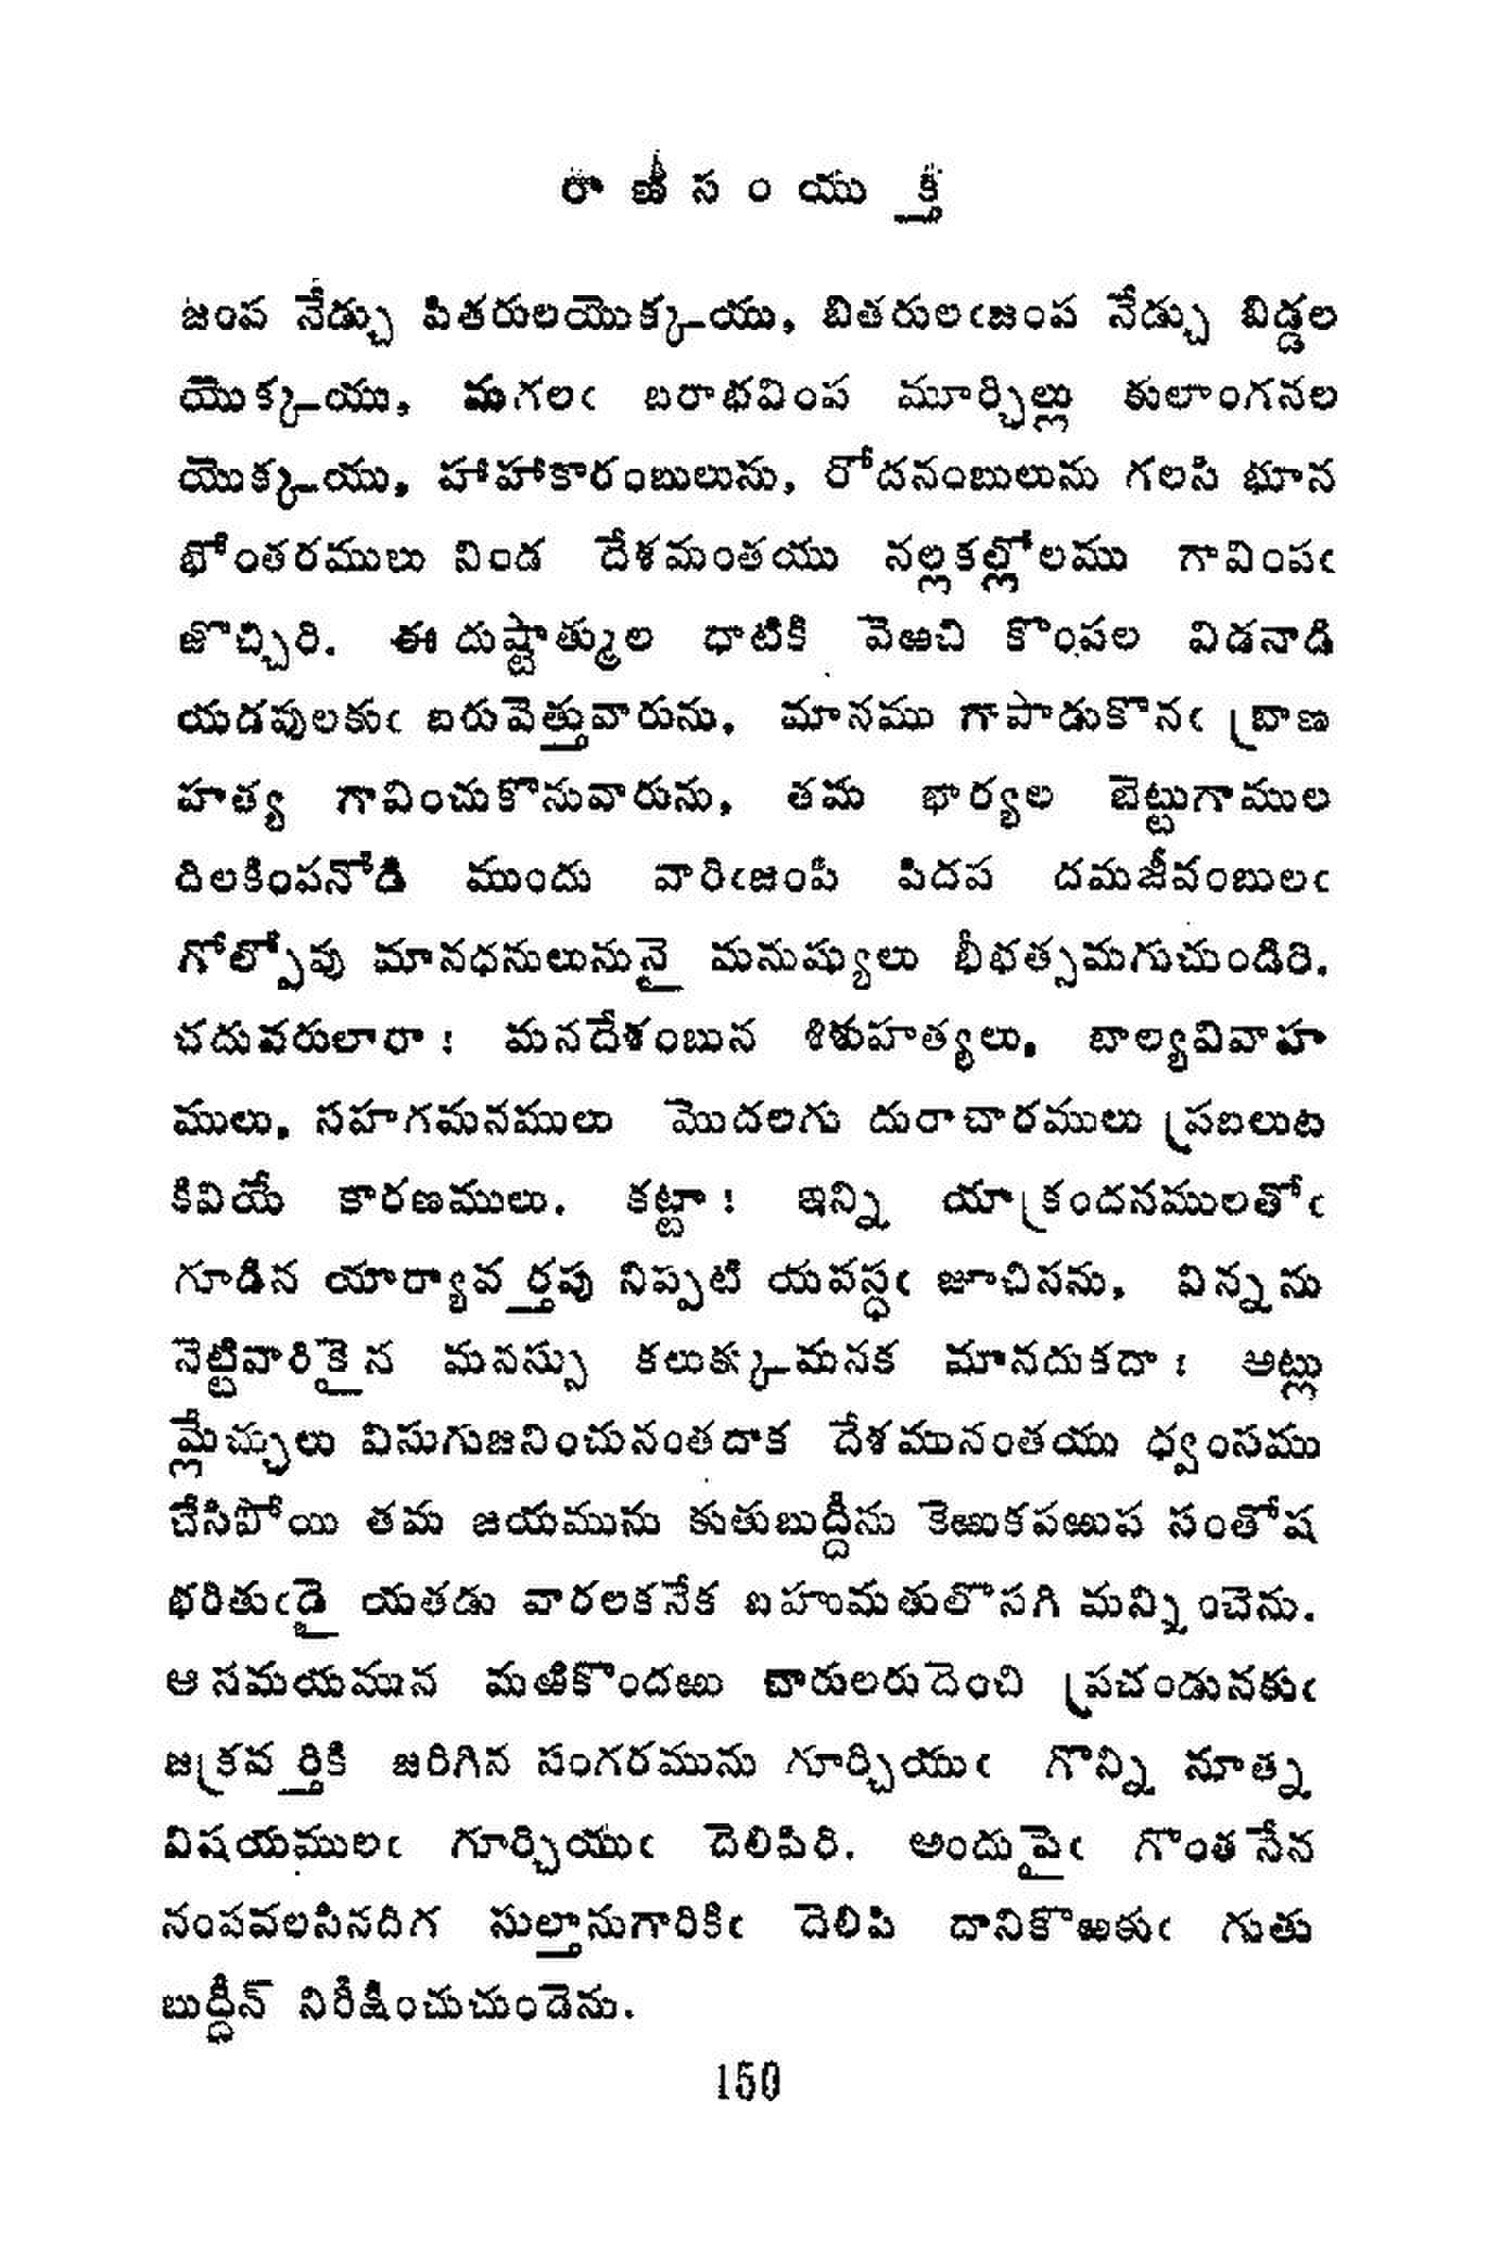జంప నేడ్చు పితరుల యొక్కయు, బితరులఁజంప నేడ్చు బిడ్డల యొక్కయు, మగలఁ బరాభవింప మూర్చిల్లు కులాంగనల యొక్కయు, హాహాకారంబులును, రోదనంబులును గలసి భూన భోంతరములు నిండ దేశమంతయు నల్లకల్లోలము గావింపఁ జొచ్చిరి. ఈ దుష్టాత్ముల ధాటికి వెఱచి కొంపల విడనాడి యడవులకుఁ బరువెత్తువారును, మానము గోపాడుకొనఁ బ్రాణహత్య గావించుకొనువారును, తమ భార్యల బెట్టుగాముల దిలకింపనోడి ముందు వారిఁజంపి పిదప దమజీవంబులఁ గోల్పోవు మానధనులునునై మనుష్యులు భీభత్సమగుచుండిరి. చదువరులారా! మనదేశంబున శిశుహత్యలు, బాల్యవివాహములు, సహగమనములు మొదలగు దురాచారములు ప్రబలుట కివియే కారణములు, కట్టా ! ఇన్ని యాక్రందనములతోఁ గూడిన యార్యావర్తపు నిప్పటి యవస్థఁ జూచినను, విన్నను నెట్టివారికైన మనస్సు కలుక్కుమనక మానదుకదా ! అట్లు మ్లేచ్చులు విసుగుజనించునంతదాక దేశమునంతయు ధ్వంసము చేసిపోయి తమ జయమును కుతుబుద్దీను కెఱుకపఱుప సంతోష భరితుఁడై యతడు వారలకనేక బహుమతులొసగి మన్నించెను. ఆ సమయమున మఱికొందఱు చారులరుదెంచి ప్రచండునకుఁ జక్రవర్తికి జరిగిన సంగరమును గూర్చియుఁ గొన్ని నూత్న విషయములఁ గూర్చియుఁ దెలిపిరి. అందుపై గొంతసేన నంపవలసినదిగ సుల్తానుగారికిఁ దెలిపి దానికొఱకుఁ గుతు బుద్దీన్ నిరీక్షించుచుండెను.